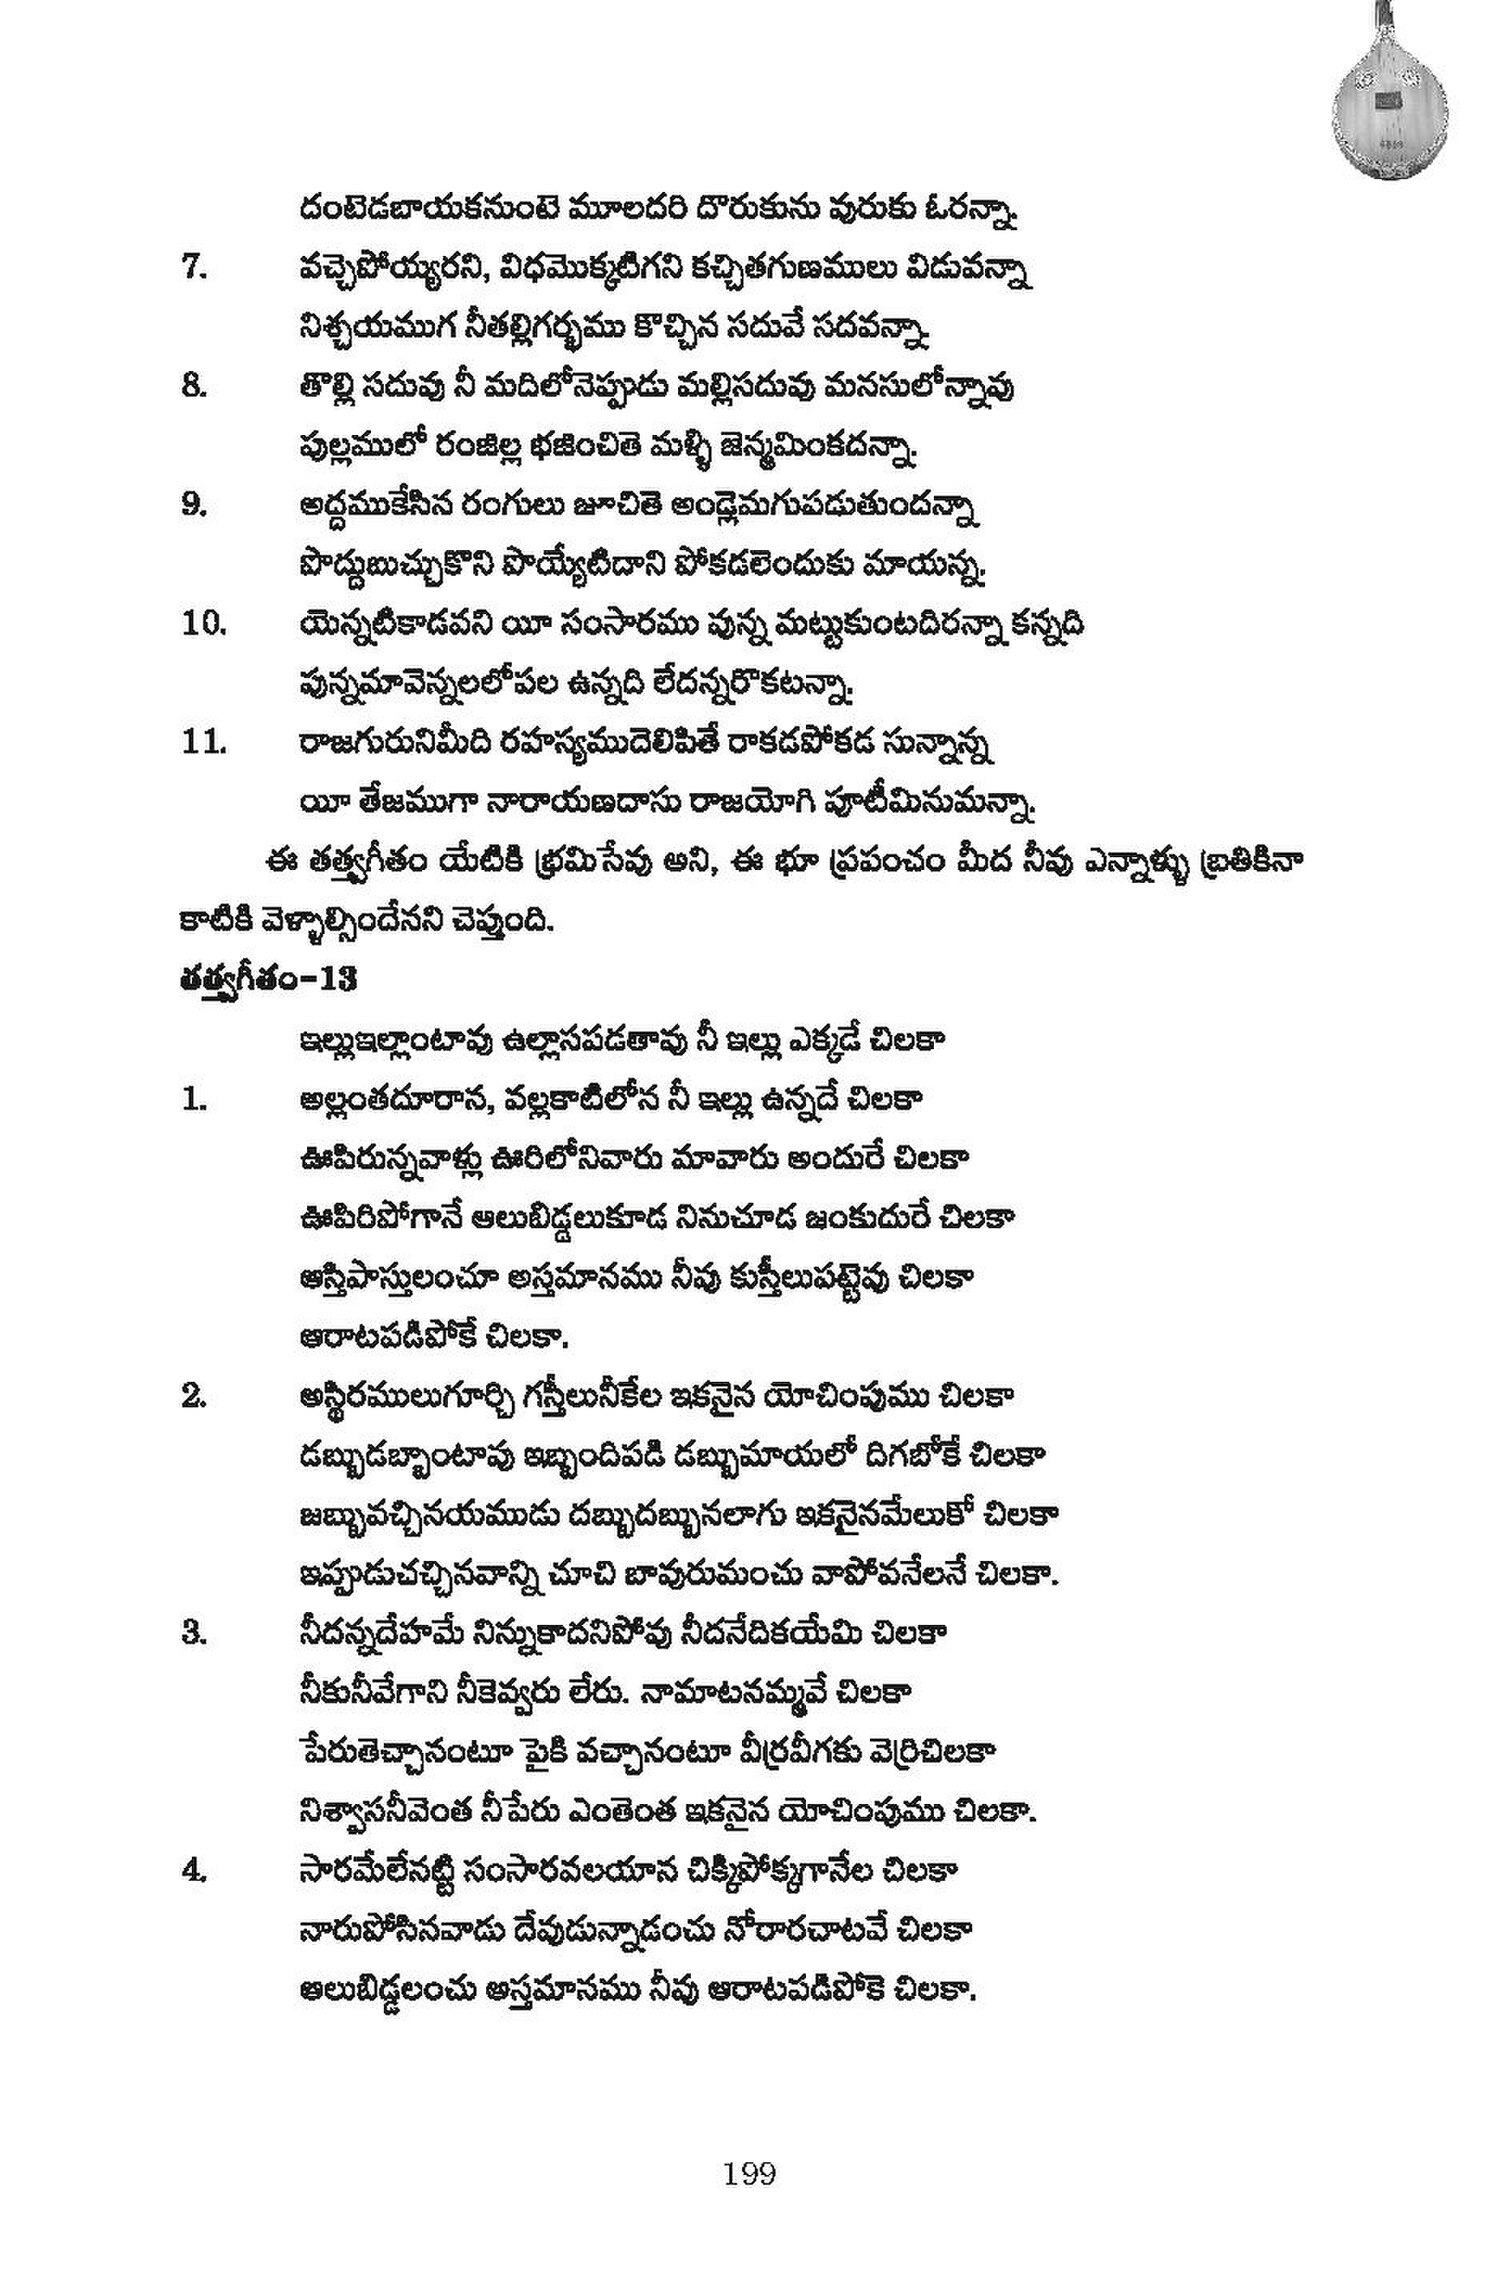దంటెడబాయకనుంటె మూలదరి దొరుకును వురుకు ఓరన్నా.

7. వచ్చెపోయ్యరని, విధమొక్కటిగని కచ్చితగుణములు విడువన్నా
నిశ్చయముగ నీతల్లిగర్భము కొచ్చిన సదువే సదవన్నా.

8. తొల్లి సదువు నీ మదిలోనెప్పుడు మల్లిసదువు మనసులోన్నావు
పుల్లములో రంజిల్ల భజించితె మళ్ళీ జెన్మమింకదన్నా.

9. అద్దముకేసిన రంగులు జూచితె అండ్లమగుపడుతుందన్నా
పొద్దుబుచ్చుకొని పొయ్యేటిదాని పోకడలెందుకు మాయన్న,

10. యెన్నటికాడవని యీ సంసారము వున్న మట్టుకుంటదిరన్నా కన్నది
పున్నమావెన్నలలోపల ఉన్నది లేదన్నరొకటన్నా.

11. రాజగురునిమీది రహస్యముదెలిపితే రాకడపోకడ సున్నాన్న
యీ తేజముగా నారాయణదాసు రాజయోగి పూటీమినుమన్నా.

ఈ తత్త్వగీతం యేటికి భ్రమిసేవు అని, ఈ భూ ప్రపంచం మీద నీవు ఎన్నాళ్ళు బ్రతికినా కాటికి వెళ్ళాల్సిందేనని చెప్తుంది.

తత్త్వగీతం-13

ఇల్లు ఇల్లాంటావు ఉల్లాసపడతావు నీ ఇల్లు ఎక్కడే చిలకా

1. అల్లంతదూరాన, వల్లకాటిలోన నీ ఇల్లు ఉన్నదే చిలకా
ఊపిరున్నవాళ్లు ఊరిలోనివారు మావారు అందురే చిలకా
ఊపిరిపోగానే ఆలుబిడ్డలుకూడ నినుచూడ జంకుదురే చిలకా
ఆస్తిపాస్తులంచూ అస్తమానము నీవు కుస్తీలుపట్టెవు చిలకా
ఆరాటపడిపోకే చిలకా.

2. అస్థిరములుగూర్చి గస్తీలునీకేల ఇకనైన యోచింపుము చిలకా
డబ్బుడబ్బాంటావు ఇబ్బందిపడి డబ్బుమాయలో దిగబోకే చిలకా
జబ్బువచ్చినయముడు దబ్బుదబ్బునలాగు ఇకనైనమేలుకో చిలకా
ఇప్పుడుచచ్చినవాన్ని చూచి బావురుమంచు వాపోవనేలనే చిలకా.

3. నీదన్నదేహమే నిన్నుకాదనిపోవు నీదనేదికయేమి చిలకా
నీకునీవేగాని నీకెవ్వరు లేరు. నామాటనమ్మవే చిలకా
పేరుతెచ్చానంటూ పైకి వచ్చానంటూ వీర్రవీగకు వెర్రిచిలకా
నిశ్వాసనీవెంత నీపేరు ఎంతెంత ఇకనైన యోచింపుము చిలకా.

4. సారమేలేనట్టి సంసారవలయాన చిక్కిపోక్కగానేల చిలకా
నారుపోసినవాడు దేవుడున్నాడంచు నోరారచాటవే చిలకా
అలుబిడ్డలంచు అస్తమానము నీవు ఆరాటపడిపోకె చిలకా.